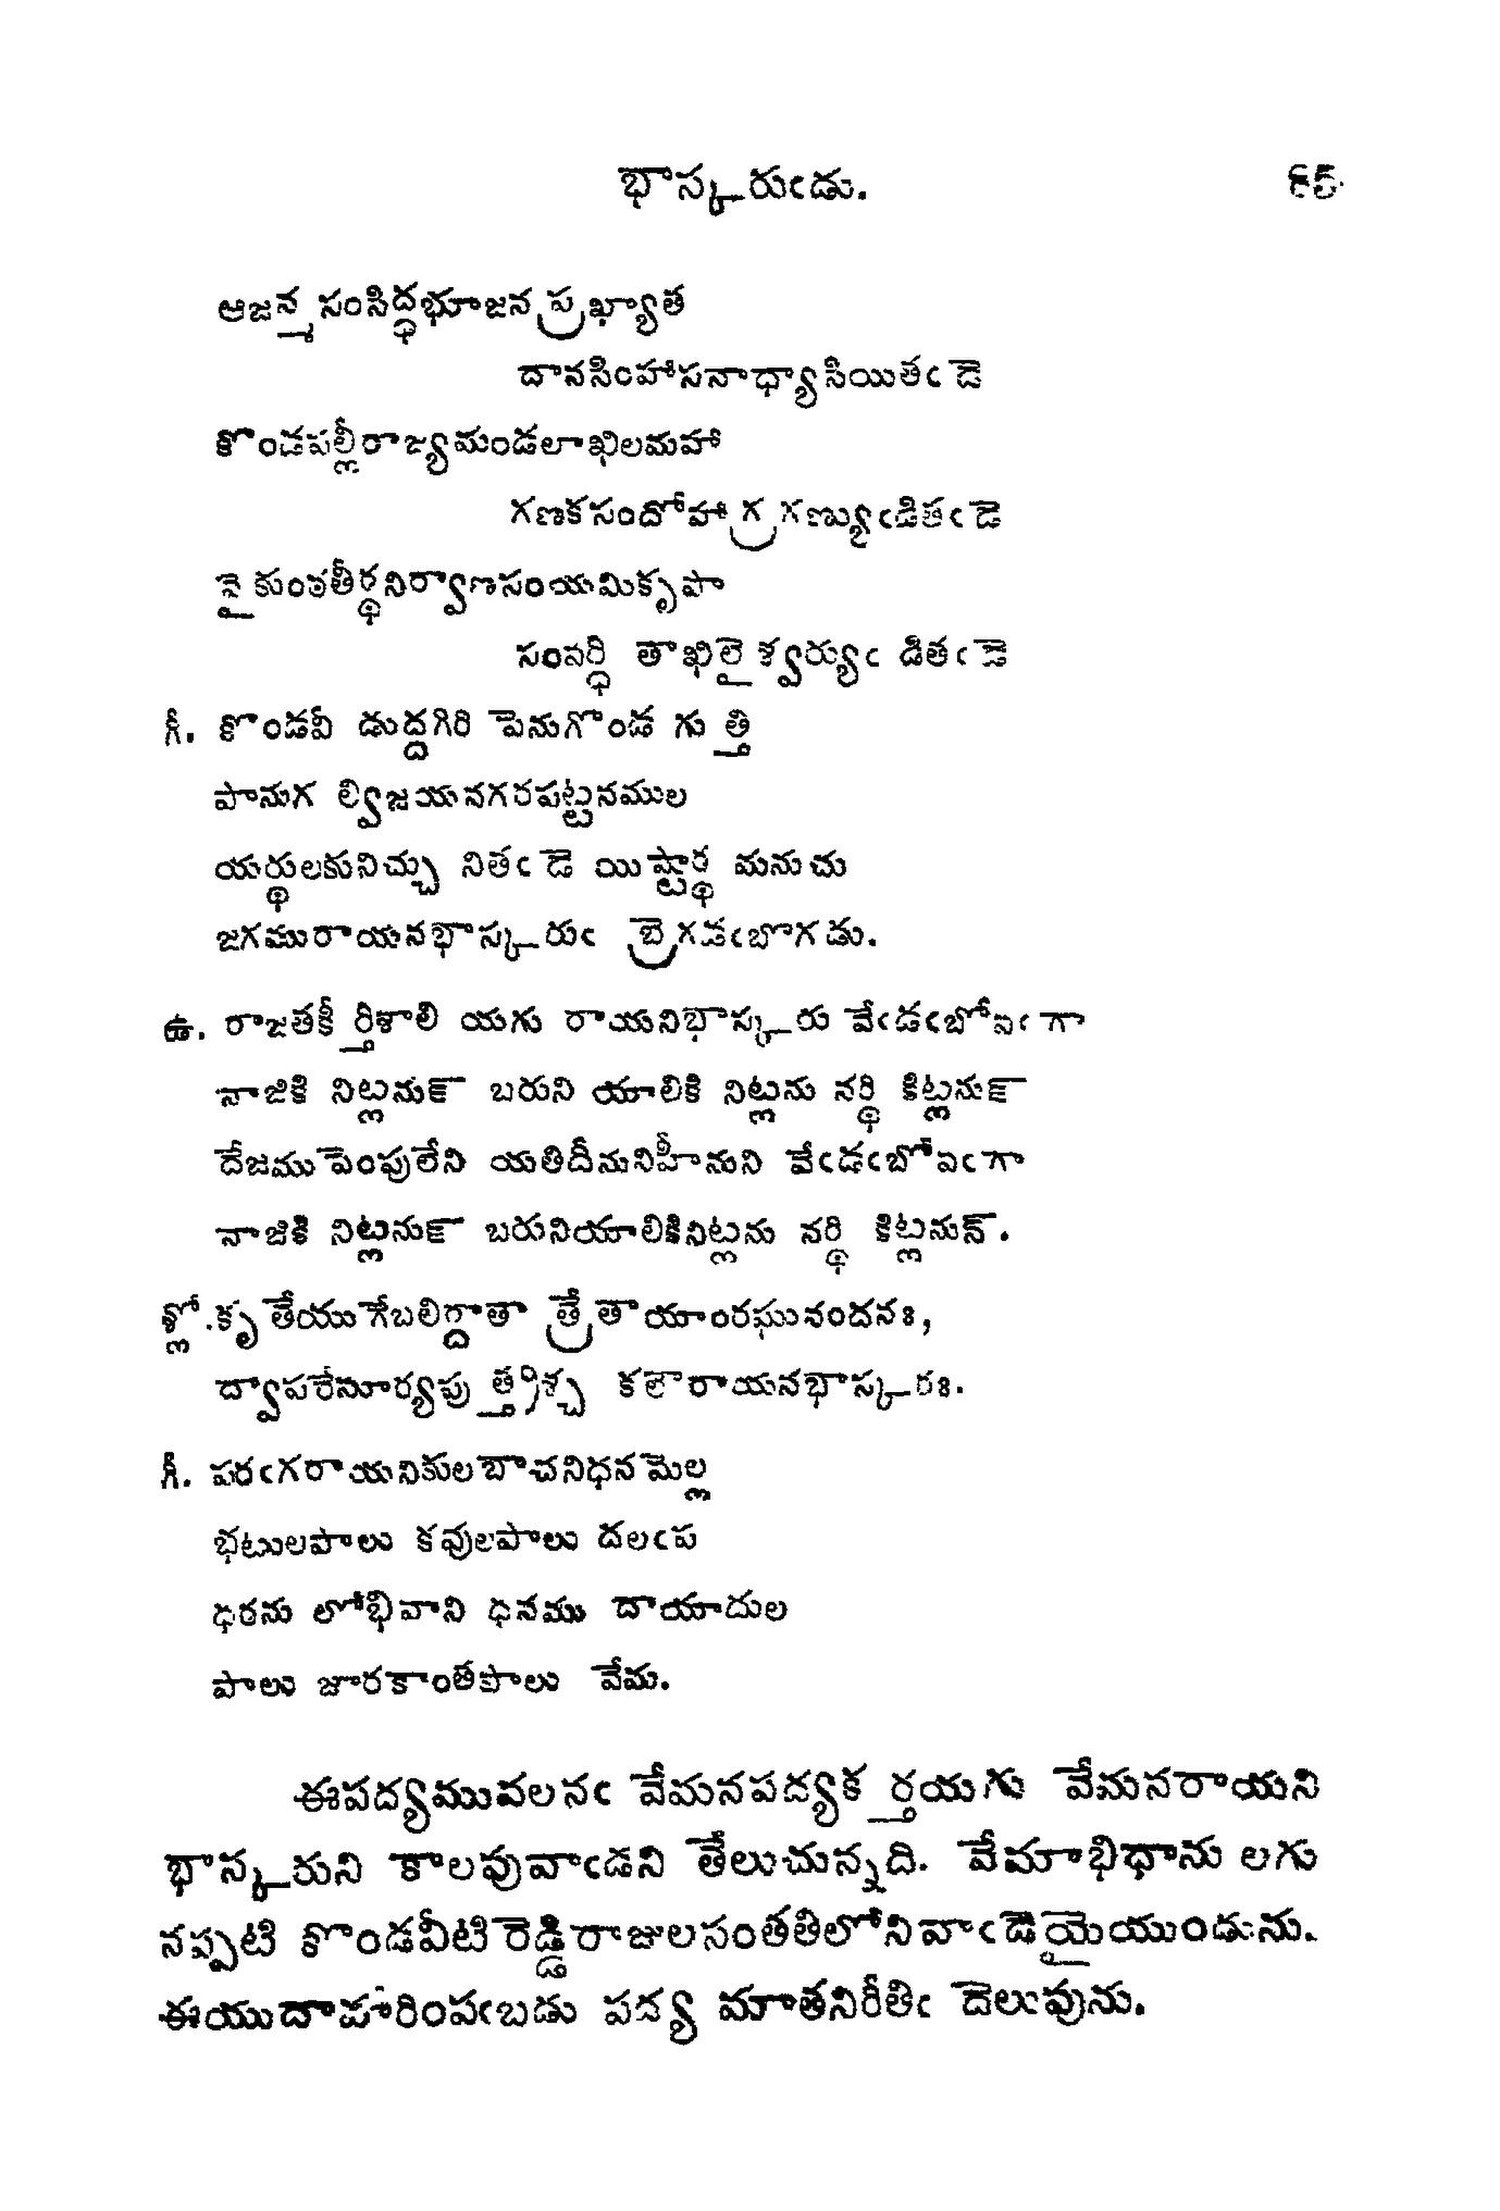ఆజన్మసంసిద్ధభూజనప్రఖ్యాత
 దానసింహాసనాధ్యాసి యితఁడె
 కొండపల్లీరాజ్యమండలాఖిలమహా
 గణకసందోహాగ్రగణ్యుఁ డితఁడె
 వైకుంఠతీర్థనిర్వాణసంయమికృపా
 సంవర్ధితాఖిలైశ్వర్యుఁ డితఁడె
గీ. కొండవీ డుద్దగిరి పెనుగొండ గుత్తి
 పానుగ ల్విజయనగరపట్టనముల
 యర్థులకు నిచ్చు యితఁడె యిష్టార్థ మనుచు
 జగము రాయనభాస్కరుఁ బ్రెగడఁ బొగడు.
ఉ. రాజతకీర్తిశాలి యగు రాయనిభాస్కరు వేఁడఁబోవఁగా
 నాజికి నిట్లనున్ బరునియాలికి నిట్లను నర్థి కిట్లనున్
 దేజము పెంపులేని యతిదీనుని హీనుని వేఁడఁబోవఁగా
 నాజికి నిట్లనున్ బరునియాలికి నిట్లను నర్థి కిట్లనున్.
శ్లో. కృతయుగే బలిర్దాతా త్రేతాయాం రఘునందనః
 ద్వాపరే సూర్యపుత్త్రశ్య కలౌ రాయనభాస్కరః.
గీ. పరఁగ రాయనికులబాచని ధనమెల్ల
 భటులపాలు కవులపాలు దలఁప
 ధరను లోభివాని ధనము దాయాదుల
 పాలు జారకాంతపాలు వేమ!
ఈపద్యమువలన, వేమనకర్తయగు వేమన రాయని భాస్కరుని కాలపువాఁడని తేలుచున్నది. వేమాభిధానులగు నప్పటి కొండవీటి రెడ్డిరాజుల సంతతిలోనివాఁడె యైయుండును. ఈయుదాహరింపఁబడు పద్య మాతనిరీతిఁ దెలుపును.